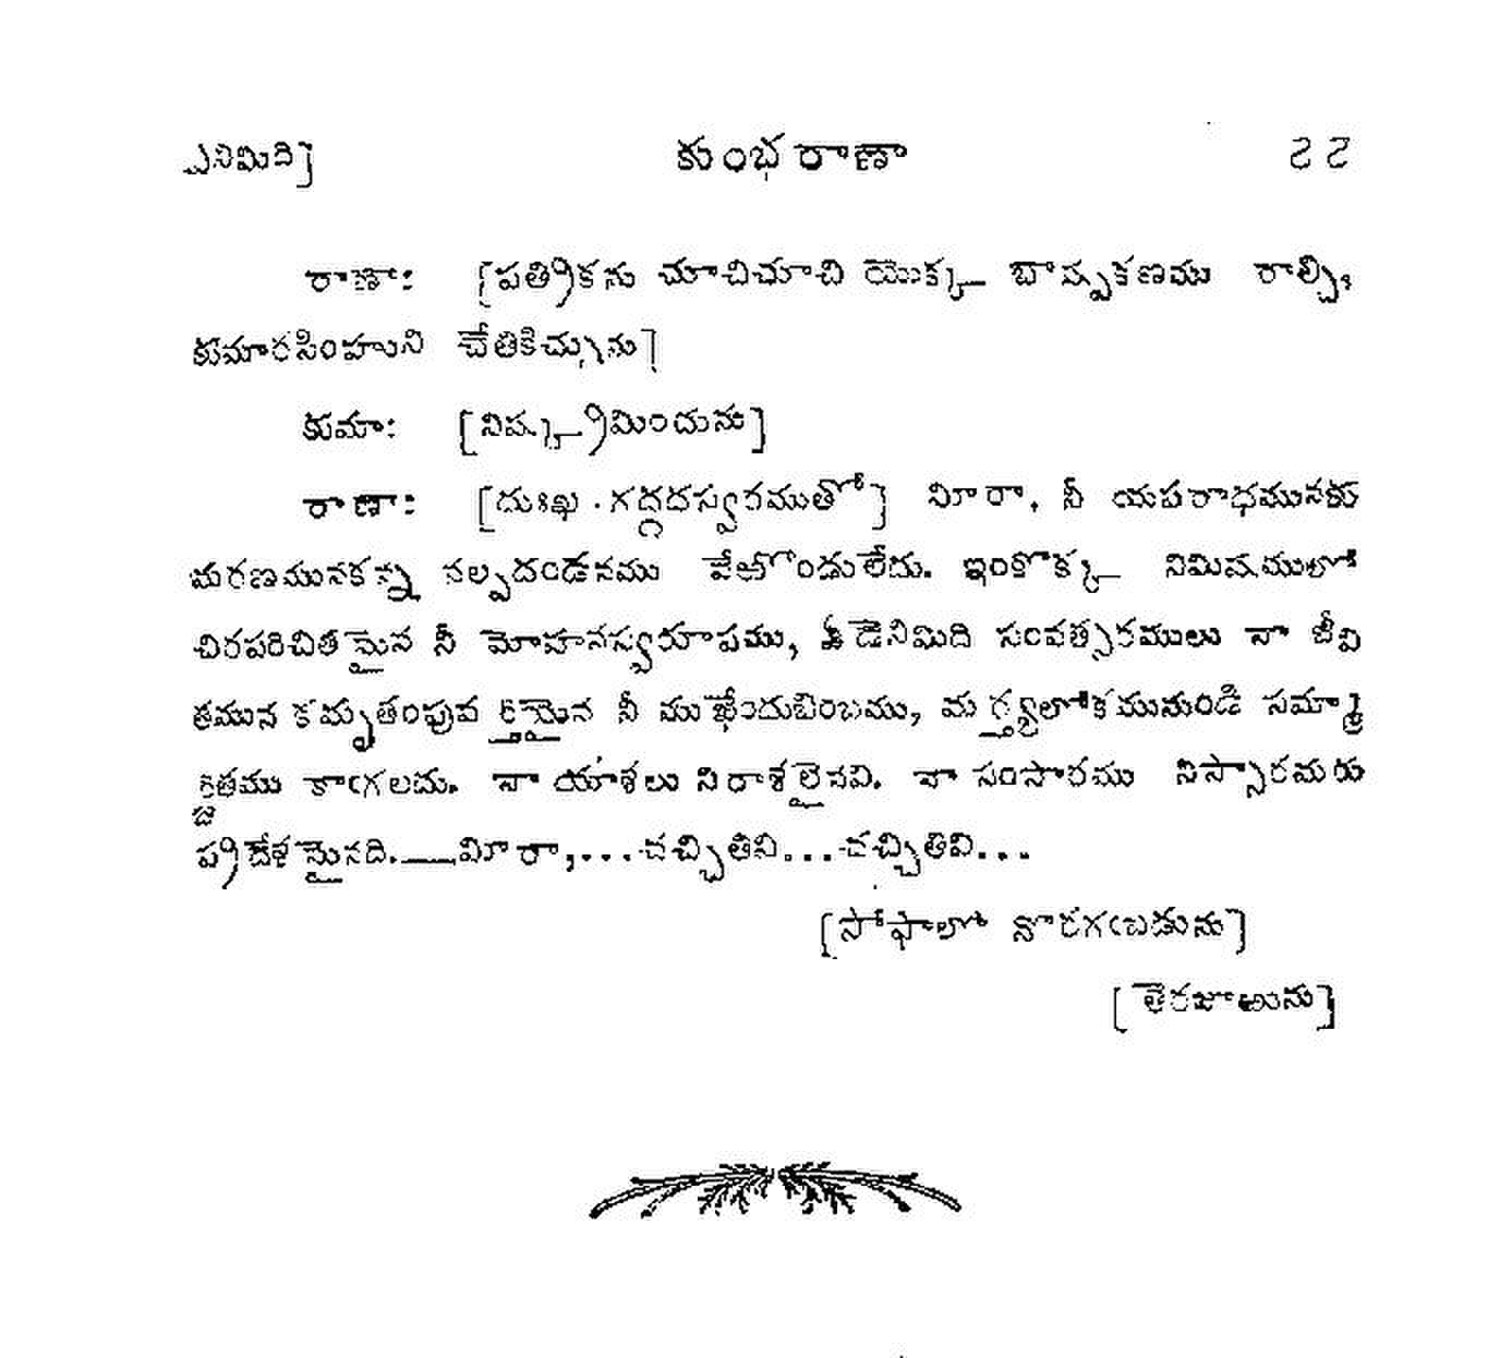రాణా : [పత్రికను చూచిచూచి యొక్క బాష్పకణము కార్చిరి. కుమారసింహుని చేతికిచ్చును]

కుమా : [నిష్క్రమించును]

రాణా : [దు:ఖ గద్గదస్వరముతో] మీరా. నీ యపరాధమునకు మరణముకన్న నల్పదండనము వేఱొండులేదు. ఇంకొక్క నిమిషములో చిరపరిచితమైన నీ మోహనస్వరూపము, ఏడెనిమిది సంవత్సరములు నా జీవితమున కమృతంపువర్తియైన నీ ముఖేందుబింబము, మర్త్యలోకమునుండి సమ్మార్జితము కాఁగలదు. నా యాశలు నిరాశలైనవి. నా సంసారము నిస్సారమరు ప్రదేశమైనది. - మీరా,...చచ్చితివి....చచ్చితివి...